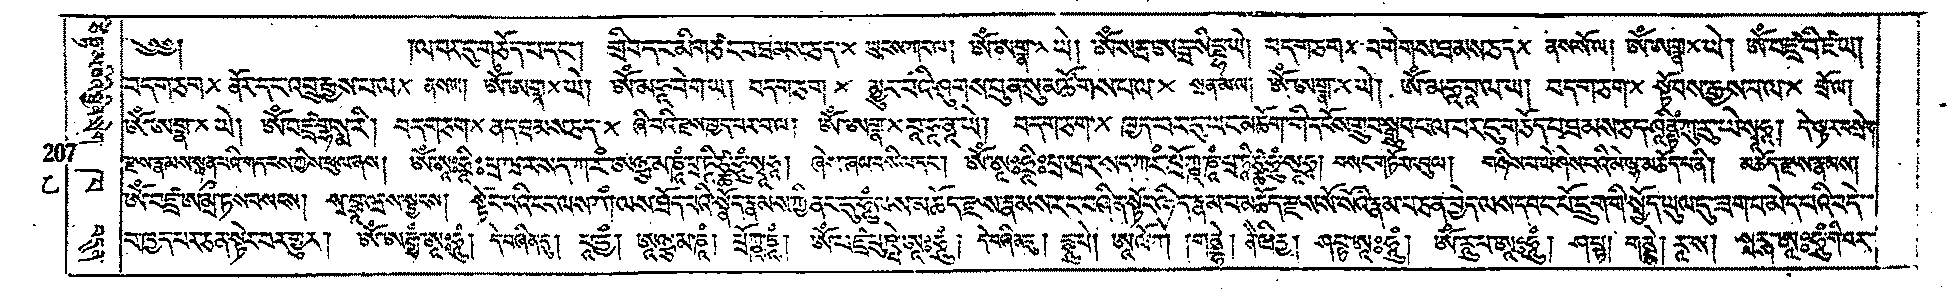༄༅། །ལ་བར་དུ་གཅོད་པ་དང་། གྲིབ་དང་མི་གཙང་བ་ཐམས་ཅད་྾་ཡུངས་ཀར་ལ།  ཨོཾ་ཨགན་྾་ཡེ། ཨོཾ་སརྦ་ཨརྠ་སིདྡྷ་ཡེ། བདག་ཅག་྾་བགེགས་ཐམས་ཅད་྾་ནས་སོ་ལ། ཨོཾ་ཨགན་྾་ཡེ། ཨོཾ་བཛྲ་བི་ཛ་ཡ།
བདག་ཅག་྾་ནོར་དང་འབྲུ་རྒྱས་པ་ལ་྾་ནས་ལ། ཨོཾ་ཨགན་྾་ཡེ། ཨོཾ་མཧཱ་བེ་ག་ཡ། བདག་ཅག་྾་མྱུར་བའི་ཤུགས་ཕུན་སུམ་ཚོགས་པ་ལ་྾་སྲན་མ་ལ། ཨོཾ་ཨགན་྾་ཡེ། ཨོཾ་མཧཱ་བཱ་ལ་ཡ། བདག་ཅག་྾་སྟོབས་རྒྱས་པ་ལ་྾་གྲོ་ལ།
ཨོཾ་ཨགན་྾་ཡེ། ཨོཾ་བཛྲ་གྷ་སྨྲ་རི། བདག་ཅག་྾་ནད་ཐམས་ཅད་྾་ཞི་བའི་རྫས་ཁྱད་པར་བ་ལ། ཨོཾ་ཨགན་྾་བཱ་ཧཱ་ནཱ་ཡེ། བདག་ཅག་྾་ཁྱད་པར་དུ་ཡང་མཆོག་གི་དངོས་གྲུབ་སྒྲུབ་པ་ལ་བར་དུ་གཅོད་པ་ཐམས་ཅད་ཤཱནྟིཾ་ཀུ་རུ་ཡེ་སྭཱཧཱ། དེ་ལྟར་བསྲེག་
རྫས་རྣམས་སྙན་པའི་གདངས་ཀྱིས་ཕུལ་ནས། ཨོཾ་ཨཱཿ ཧྲཱིཿ པྲ་ཝ་ར་སད་ཀ་རཾ་ཨཉྩ་མ་ཎཱཾ་པྲ་ཏཱི་ཙྪ་ཧཱུཾ་སྭཱ་འ། ཞེས་ཞལ་བསིལ་དང་། ཨོཾ་ཨཱཿ ཧྲཱིཿ པྲ་ཝ་ར་སད་ཀ་རཾ་པྲོཀྵ་ཎཱཾ་པྲ་ཏཱི་ཙྪ་ཧཱུཾ་སྭཱཧཱ། བསང་གཏོར་འབུལ། གཉིས་པ་ཡེ་ཤེས་པའི་མེ་ལྷ་མཆོད་པ་ནི། མཆོད་རྫས་རྣམས།
ཨོཾ་བཛྲ་ཨ་མྲྀ་ཏས་བསངས། སྭ་བྷཱ་ཝས་སྦྱངས། སྟོང་པའི་ངང་ལས་ཀཾ་ལས་ཐོད་པའི་སྣོད་རྣམས་ཀྱི་ནང་དུ་ཧཱུཾ་ལས་མཆོད་རྫས་རྣམས་རང་བཞིན་སྟོང་ཉིད་རྣམ་པ་མཆོད་རྫས་སོ་སོའི་རྣམ་པ་ཅན་བྱེད་ལས་དབང་པོ་དྲུག་གི་སྤྱོད་ཡུལ་དུ་ཟག་པ་མེད་པའི་བདེ་་་
བ་ཁྱད་པར་ཅན་སྟེར་བར་གྱུར། ཨོཾ་ཨརྒྷཾ་ཨཱཿ ཧཱུཾ། དེ་བཞིན་དུ།  པཱ་དྱཾ། ཨཱཉྩ་མ་ཎཱཾ། པྲོཀྵ་ཎཱཾ། ཨོཾ་བཛྲ་པུཥྤེ་ཨཱཿ ཧཱུཾ། དེ་བཞིན་དུ།  དྷཱུ་པེ། ཨཱ་ལོ་ཀེ །གནྡྷེ། ནཻ་ཝིདྱ། ཤཔྟ་ཨཱཿ ཧཱུཾ། ཨོཾ་རཱུ་པ་ཨཱཿ ཧཱུཾ། ཤཔྟ། གནྡྷེ། རཱ་ས། སྤརྵ་ཨཱཿ ཧཱུཾ་གི་བར་་་